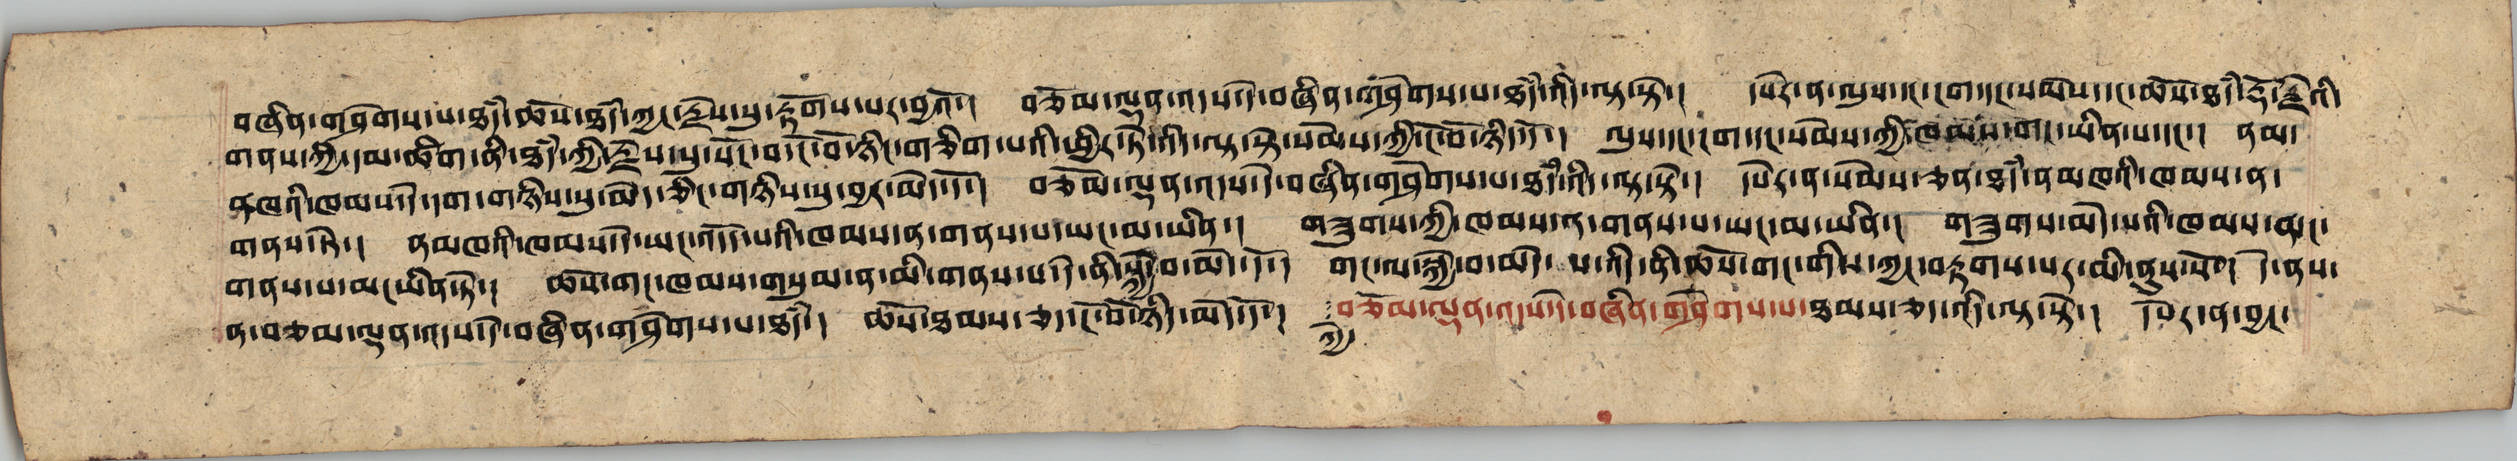བཞིན་གཤེགས་པ་ཐཾད་ཆོས་ཐཾད་ཀྱང་རྗེས་སུ་རྟོག་པར་བྱའོ་། བཅོམ་ལྡན་འདས་དེ་བཞིན་གཤེགས་པ་ཐཾད་འདི་ལྟ་སྟེ་། དཔེར་ན་ལུས་དང་ངག་དང་སེམས་དང་ཆོས་ཐཾད་རྡོ་རྗེའི་
གནས་ཀྱི་དམ་ཚིག་ནི་ཐཾད་ཀྱི་རྗེས་སུ་སོང་བ་ངོ་བོ་ཉིད་གཅིག་པའི་ཕྱིར་ཏེ་འདི་ལྟ་སྟེ་སེམས་ཀྱི་ངོ་བོ་ཉིད་དོ་། ལུས་དང་ངག་དང་སེམས་ཀྱི་ཁམས་གང་ཡིན་པ་དང་། ནམ་
ནཁའི་ཁམས་དེ་དག་གཉིས་སུ་མེད་ཅིང་གཉིས་སུ་བྱར་མེད་དོ་། བཅོམ་ལྡན་འདས་དེ་བཞིན་གཤེགས་པ་ཐཾད་འདི་ལྟ་སྟེ་། དཔེར་ན་སེམས་ཅན་ཐཾད་ནམཁའི་ཁམས་ན་
གནས་ཏེ་། ནམཁའི་ཁམས་དེ་ཡང་འདོད་པའི་ཁམས་ན་གནས་པ་ཡང་མ་ཡིན་། གཟུགས་ཀྱི་ཁམས་ན་གནས་པ་ཡང་མ་ཡིན་། གཟུགས་མེད་པའི་ཁམས་ན་།
གནས་པ་ཡང་ཡིན་ཏེ་། ཆོས་གང་ཁམས་གསུམ་ན་མི་གནས་པ་དེ་ནི་སྐྱེ་བ་མེད་དོ་། གང་ལ་སྐྱེ་བ་མེད་ པ་འདི་ནི་ཆོས་གང་གིས་ཀྱང་བརྟགས་པར་མི་ནུས་སོ་། དེ་ནས་
ན་བཅམ་ལྡན་འདས་དེ་བཞིན་གཤེགས་པ་ཐཾད་། ཆོས་ཐམས་ཅད་ངོ་བོ་ཉིད་མེད་དོ་། བཅོམ་ལྡན་འདས་དེ་བཞིན་གཤེགས་པ་ཐམས་ཅད་འདི་ལྟ་སྟེ་། དཔེར་ན་བྱང་